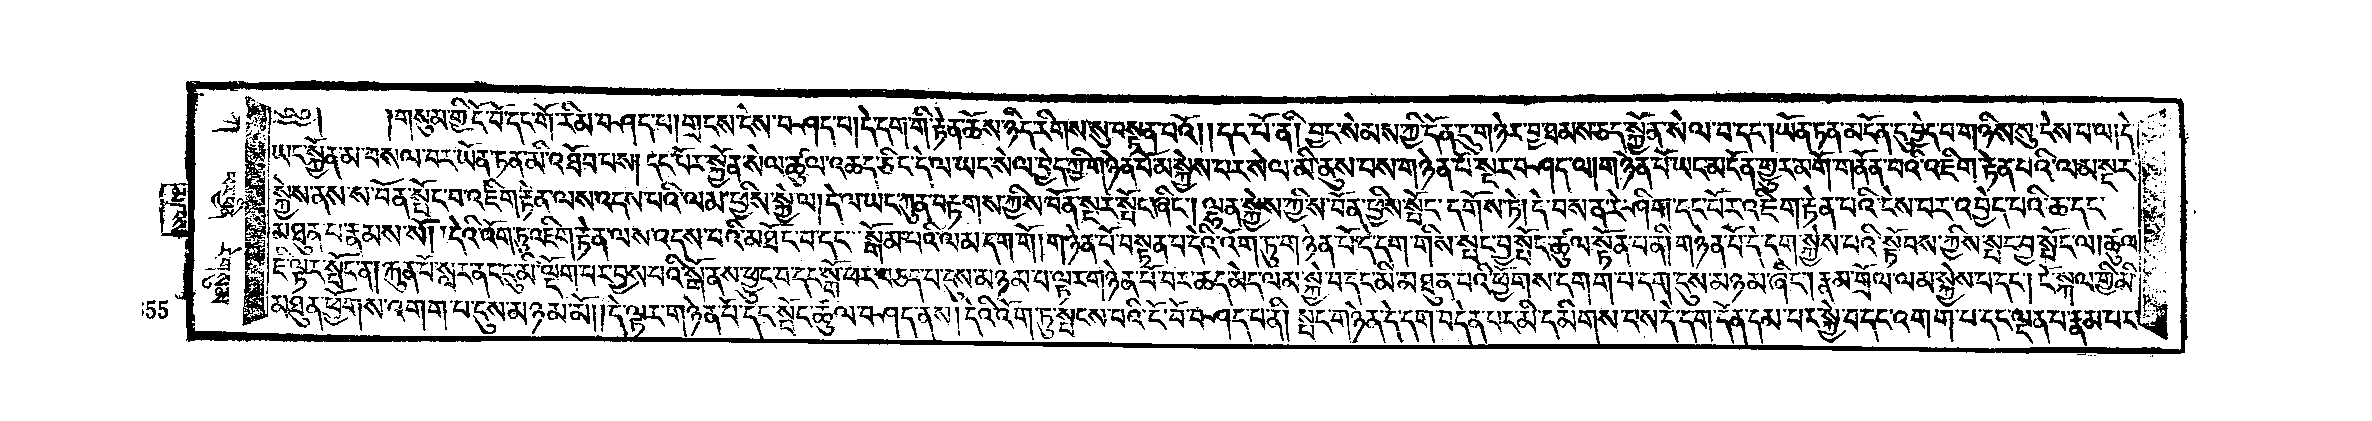༄༅། །གསུམ་གྱི་ངོ་བོ་དང་གོ་རིམ་བཤད་པ། གྲངས་ངེས་བཤད་པ། དེ་དག་གི་རྟེན་ཆོས་ཉིད་རིགས་སུ་བསྟན་པའོ། །དང་པོ་ནི། བྱང་སེམས་ཀྱི་དོན་དུ་གཉེར་བྱ་ཐམས་ཅད་སྐྱོན་སེལ་བ་དང་། ཡོན་ཏན་མངོན་དུ་བྱེད་པ་གཉིས་སུ་ངེས་པ་ལ། དེ་
ཡང་སྐྱོན་མ་བསལ་བར་ཡོན་ཏན་མི་འཐོབ་པས། དང་པོར་སྐྱོན་སེལ་ཚུལ་འཆད་ཅིང་དེ་ལ་ཡང་སེལ་བྱེད་ཀྱི་གཉེན་པོ་མ་སྐྱེས་པར་སེལ་མི་ནུས་པས་གཉེན་པོ་སྔར་བཤད་ལ། གཉེན་པོ་ཡང་མངོན་གྱུར་མགོ་གནོན་པའི་འཇིག་རྟེན་པའི་ལམ་སྔར་
སྐྱེས་ནས་ས་བོན་སྤོང་བ་འཇིག་རྟེན་ལས་འདས་པའི་ལམ་ཕྱིས་སྐྱེ་ལ། དེ་ལ་ཡང་ཀུན་བརྟགས་ཀྱི་ས་བོན་སྔར་སྤོང་ཞིང་། ལྷན་སྐྱེས་ཀྱི་ས་བོན་ཕྱིས་སྤོང་དགོས་ཏེ། དེ་བས་ན་རེ་ཤིག་དང་པོར་འཇིག་རྟེན་པའི་ངེས་པར་འབྱེད་པའི་ཆ་དང་
མཐུན་པ་རྣམས་སོ། །དེའི་འོག་ཏུ་འཇིག་རྟེན་ལས་འདས་པའི་མཐོང་བ་དང་སྒོམ་པའི་ལམ་དག་གོ །གཉེན་པོ་བསྟན་པ་དེའི་འོག་ཏུ་གཉེན་པོ་དེ་དག་གིས་སྤང་བྱ་སྤོང་ཚུལ་སྟོན་པ་ནི། གཉེན་པོ་དེ་དག་སྐྱེས་པའི་སྟོབས་ཀྱིས་སྤང་བྱ་སྤོང་ལ། ཚུལ་
ཇི་ལྟར་སྤོང་ན། རྐུན་པོ་སླར་ནང་དུ་མི་ལྡོག་པར་བྱས་པའི་སྒོ་ནས་ཕྱུང་བ་དང་སྒོ་ཕར་བཅད་པ་དུས་མཉམ་པ་ལྟར་གཉེན་པོ་བར་ཆད་མེད་ལམ་སྐྱེ་བ་དང་མི་མཐུན་པའི་ཕྱོགས་དགག་པ་དག་དུས་མཉམ་ཞིང་། རྣམ་གྲོལ་ལམ་སྐྱེས་པ་དང་། ངོ་སྐལ་གྱི་མི་
མཐུན་ཕྱོགས་འགག་པ་དུས་མཉམ་མོ། །དེ་ལྟར་གཉེན་པོ་དང་སྤོང་ཚུལ་བཤད་ནས། དེའི་འོག་ཏུ་སྤངས་པའི་ངོ་བོ་བཤད་པ་ནི། སྤང་གཉེན་དེ་དག་བདེན་པར་མི་དམིགས་པས་དེ་དག་དོན་དམ་པར་སྐྱེ་བ་དང་འགག་པ་དང་ལྡན་པ་རྣམ་པར་